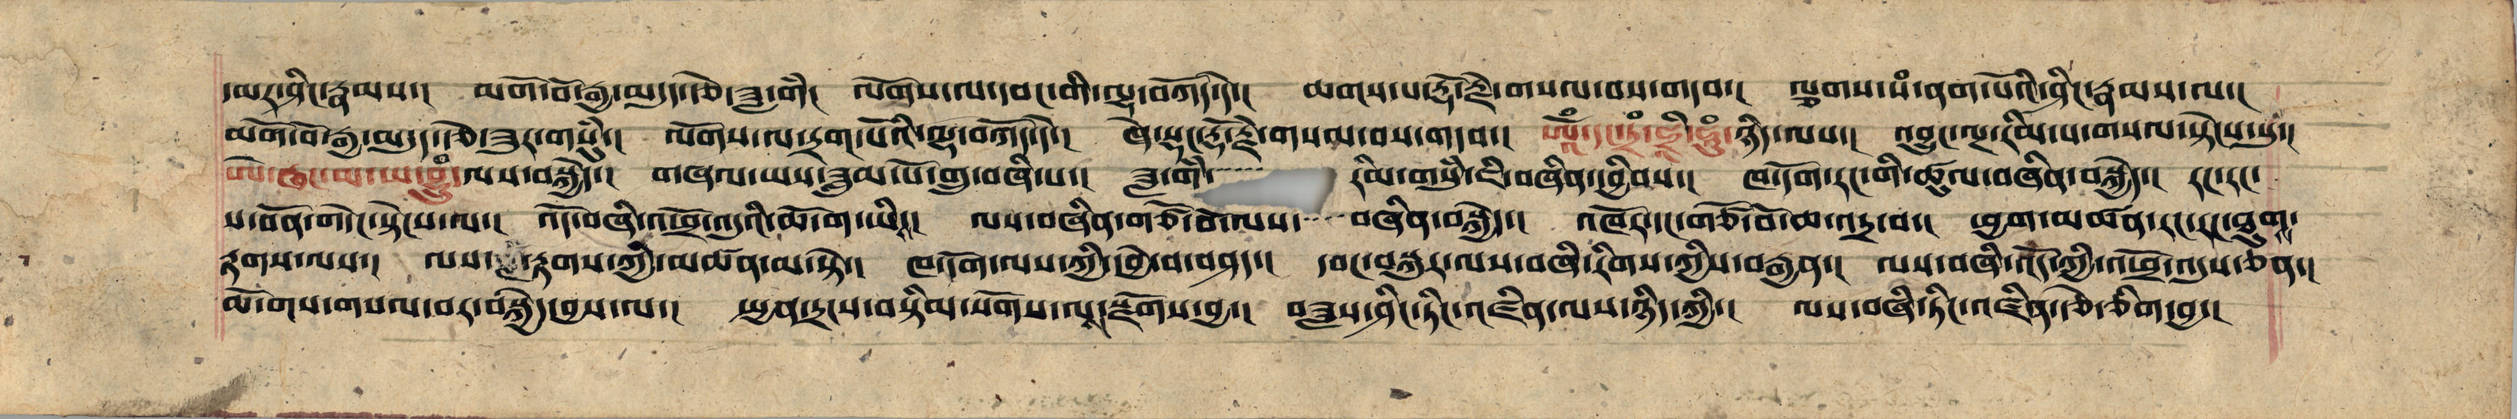དམར་ཤིང་རྣམས་། མགོ་བོ་རྒྱ་མདུད་རྩེ་ཟླ་གཾ་། ལོགས་ལ་དབང་གི་ལྷ་བཀོད་དེ་། ཆགས་པ་རྡོ་རྗེ་གསལ་བས་གདབ། ལྕགས་སཾ་ནག་པོའི་ཤིང་རྣམས་ལ་།
མགོ་བོ་རྒྱ་མདུད་རྩེ་ཟུར་གསུཾ་། ལོགས་ལ་དྲག་པོའི་ལྷ་བཀོད་དེ་། ཞེ་སྡང་རྡོ་རྗེ་གསལ་བས་གདབ་། ཨཱོཾ་དང་ཏྲཾ་ཧྲཱི་ཧཱུཾ་ཉིད་ལས་། འབྱུང་ལྔ་རིམ་པ་གསལ་སྟེངས་སུ་།
ཨེ་ཝང་མ་ཡ་བྷྲུཾ་ལས་བསྐྱེད་། གཞལ་ཡས་ཟླུམ་པོ་གྲུ་བཞི་པ་། ཟླ་གཾ་་་་་ རིམ་གསུཾ་ཇི་བཞིན་དབྱིབས་། ཁ་དོག་རང་གི་ཚུལ་བཞིན་བསྐྱེད་། རང་རང་
ས་བོན་གདེང་སྟེངས་ལ་། འོད་བཞི་འཕྲོ་འདུའི་ཆོ་ག་ཡིས་། ལས་བཞིན་གཙོ་བོ་ལས་་་་བཞིན་བསྐྱེད་། འཁོར་དང་གཙོ་བོ་ཆ་འདྲ་བ་། ཕྱག་མཚན་རང་རང་ཐུགས་
རྟགས་ལས་། ལས་རྟགས་ཀྱི་མཚན་མ་སྟེ་། ཁ་དོག་ལས་ཀྱི་དབྱེ་བ་བཤད་། དབང་བསྐུར་ལས་བཞི་རིགས་ཀྱིས་བརྒྱན་། ལས་བཞི་འོད་ཀྱི་འཕྲོ་འདུས་ཅན་།
མོ་གས་གསལ་བར་བསྐྱེད་བྱས་ལ་། སྤྱན་དྲངས་བསྟིམ་སོགས་ལས་སྫོགས་བྱ་། བཟླས་ཤིང་ཏིང་འཛིན་ལས་ཉིད་ཀྱི་། ལས་བཞི་ཏིང་འཛིན་རྩེ་ཅིག་བྱ་།